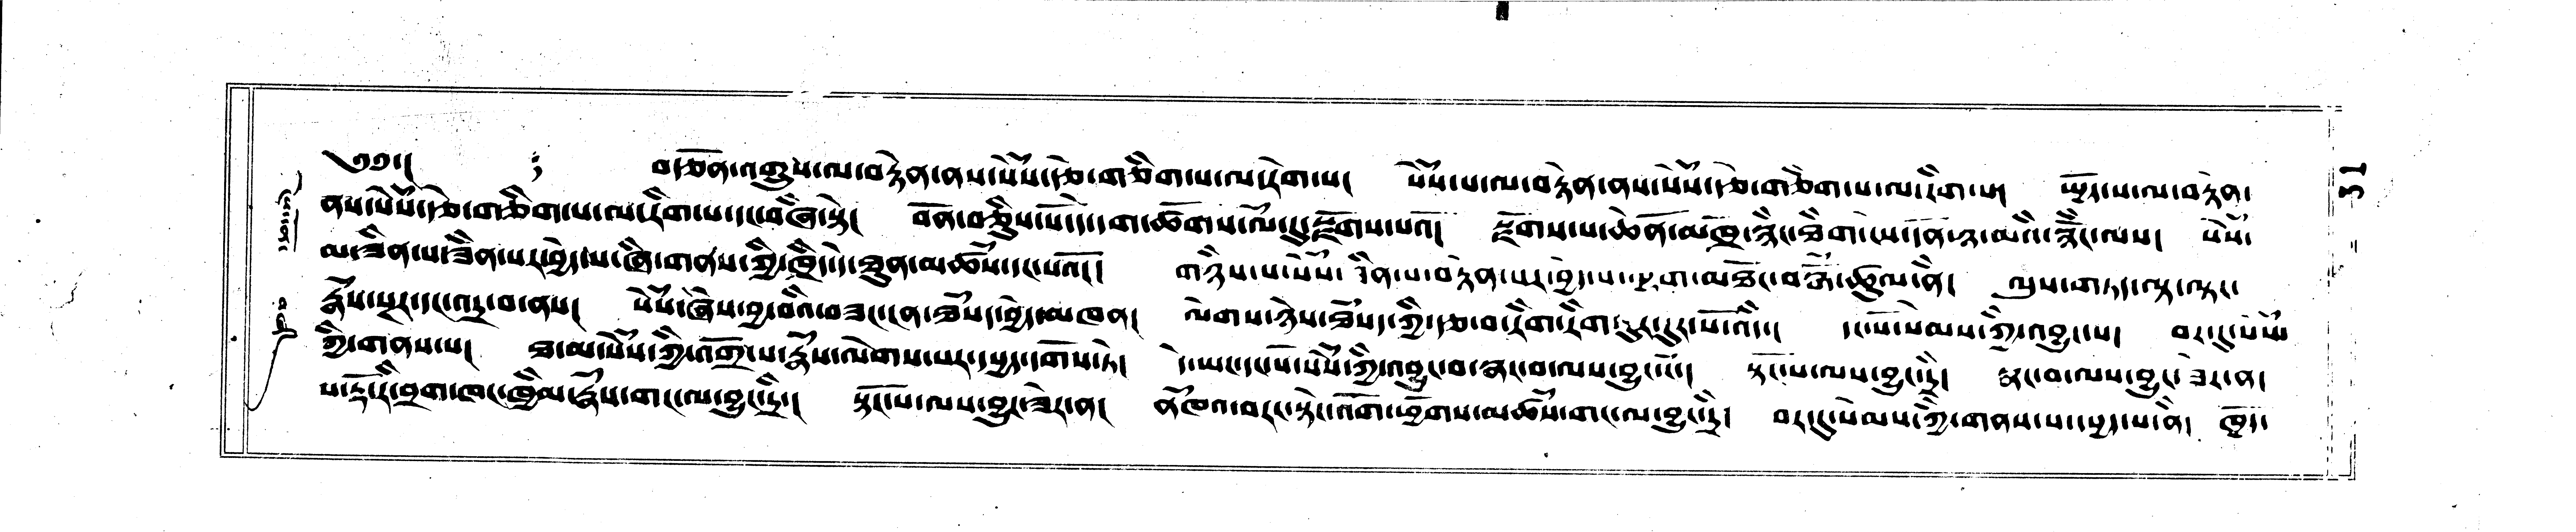བརྩོན་འགྲུས་ལ་བརྟེན་ནས་སེམས་རྩེ་གཅིག་པ་ལ་རེག་པ། སེམས་པ་ལ་བརྟེན་ནས་སེམས་རྩེ་གཅིག་པ་ལ་རེག་པ། སྤྱོད་པ་ལ་བརྟེན་
ནས་སེམས་རྩེ་གཅིག་པ་ལ་རེག་པ་དང་བཞི་སྟེ། བོན་བཅུ་གཉིས་པོ་དེ་དག་ཚོགས་ལམ་དུ་རྫོགས་པའོ། །རྫོགས་པ་ཆེན་པོ་མཁའ་འགྲོ་སྙིང་ཐིག་ངེས་དོན་ཉི་མའི་སྙིང་པོ་ལས། སེམས་
མ་ཟིན་པ་ཟིན་པར་བྱེད་པ་ཞི་གནས་ཀྱི་ཁྲིད་དེ་ཐུན་མཚམས་དང་པོའོ། །གཉིས་པ་སེམས་ཟིན་པ་བརྟན་པར་བྱེད་པ་ལྷག་མཐོང་བསྒོམ་ཚུལ་ནི། ལུས་གནད་ལྟ་སྟངས་
རྣམས་སྔར་དང་འདྲ་བ་ནས།སེམས་ཞེས་བྱ་བའི་བཟང་ངན་ཐམས་ཅད་བྱེད་མཁན།ལེགས་ཉེས་ཐམས་ཅད་ཀྱི་རྩ་བ་རིག་རིག་དུར་དུར་པོ་འདི།དང་པོ་སེམས་ཀྱི་འབྱུང་བ། བར་དུ་སེམས་
ཀྱི་གནས་པ། ཐ་མ་སེམས་ཀྱི་འགྲོ་བ་རྣམས་ལེགས་པར་དཔྱད་དགོས་ཏེ། དེ་ཡང་དང་པོ་སེམས་ཀྱི་འབྱུང་བ་སྣང་བ་ལས་བྱུང་ངམ། སྟོང་པ་ལས་བྱུང་དྲི། སྣང་བ་ལས་བྱུང་ཟེར་ན། 
ས་རྡོ་རི་བྲག་ཁང་ཁྱིམ་རྣམས་གང་ལས་བྱུང་དྲི།སྟོང་པ་ལས་བྱུང་ཟེར་ན། ནམ་མཁའ་བར་སྣང་སྟེང་འོག་ཕྱོགས་མཚམས་གང་ལས་བྱུང་དྲི།བར་དུ་སེམས་ཀྱི་གནས་པ་དཔྱད་པ་ནི།ཁྱོད་